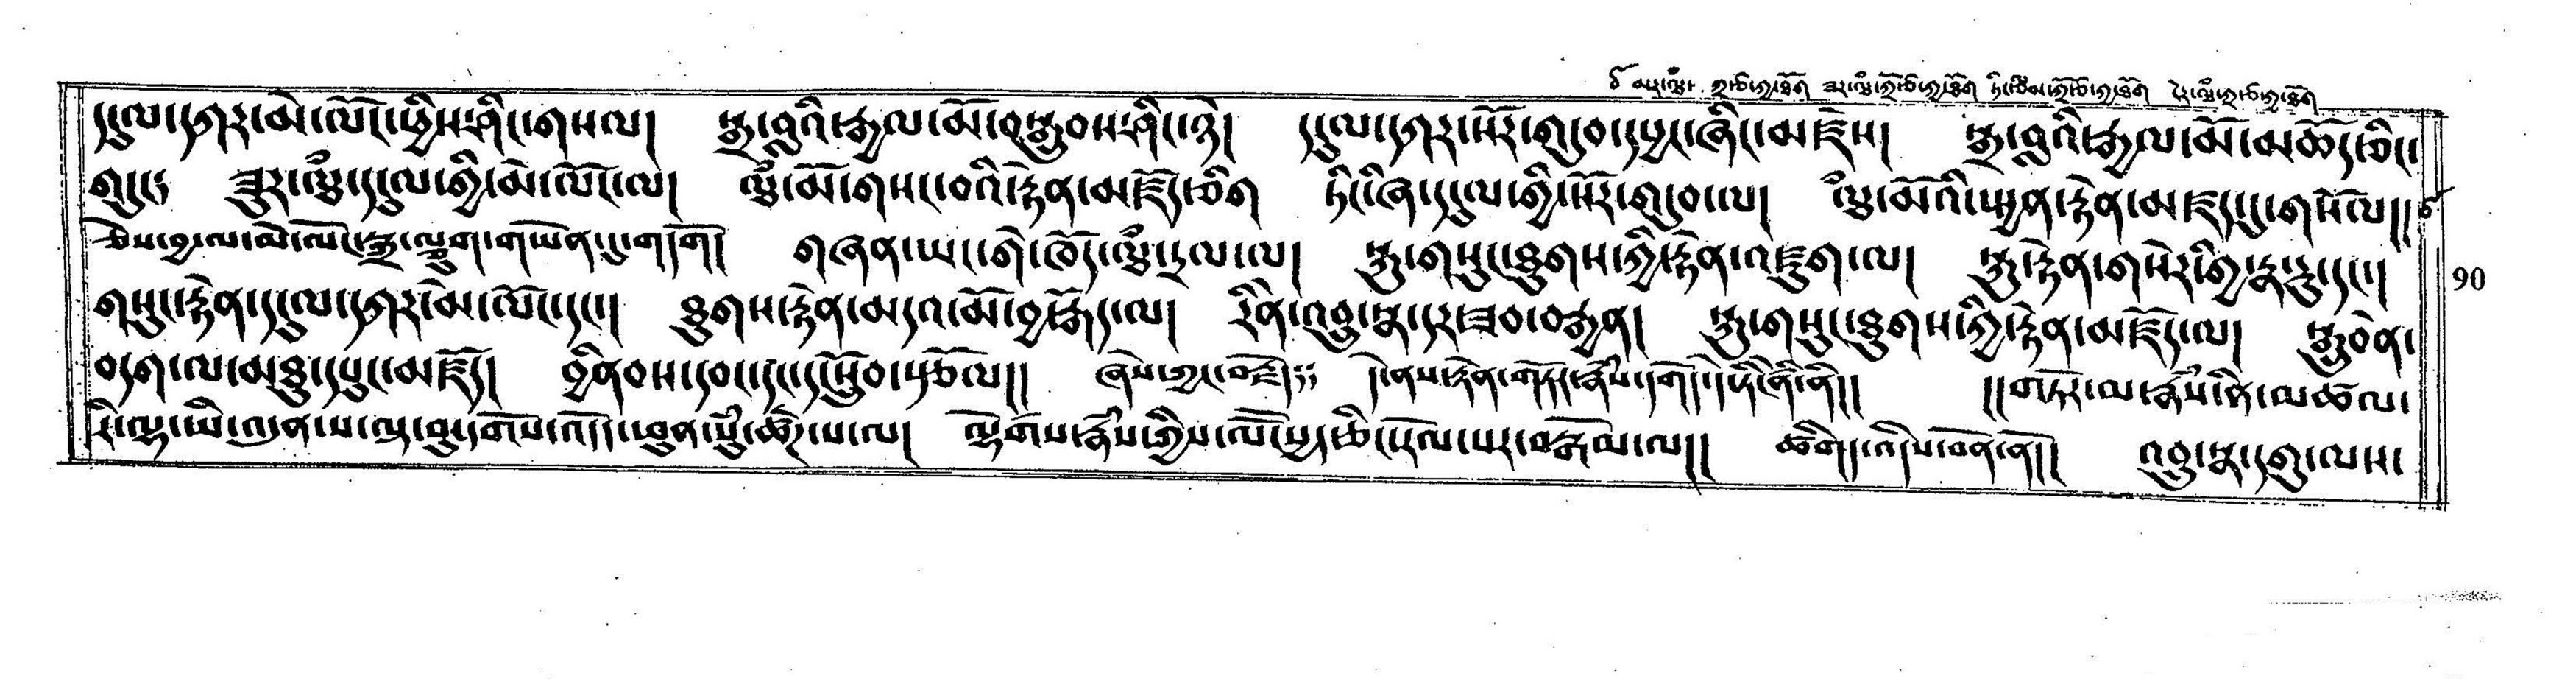དངུལ་དཀར་མེ་ལོང་ཕྱིས་ཤིང་གསལ། སྒྲ་བླའི་རྒྱལ་མོ་བསྒྲུབས་ཤིང་ཉེ། དངུལ་དཀར་སོར་གདུབ་དཔྱང་ཞིང་མཛེས། སྒྲ་བླའི་རྒྱལ་མོ་མཆོད་ཅིང་
གདུང་། ཟུར་ལྕམ་དངུལ་གྱི་མེ་ལོང་ལ། ལྕམ་མོ་གསང་བའི་རྟེན་མཛོད་ཅིག ཏིང་ཞི་དངུལ་གྱི་སོར་གདུབ་ལ། ལྕམ་མོའི་སྤྱན་རྟེན་མཛད་དུ་གསོལ།། 
ཅེས་བྱ་ལ་མེ་ལོང་སྐྲ་ལྕུག་གཡོན་དུ་གདག་གོ གཞན་ཡང་གེ་ཁོད་ལྕམ་དྲལ་ལ། སྐུ་གསུང་ཐུགས་ཀྱི་རྟེན་འཛུག་ལ། སྐུ་རྟེན་གསེར་གྱི་རྣ་རུ་དང་། 
གསུང་རྟེན་དངུལ་དཀར་མེ་ལོང་དང་། ཐུགས་རྟེན་མདའ་མོ་བྱ་རྒོད་ལ། རིན་ཆེན་འབྲུ་སྣ་དར་ཟབ་བརྒྱན། སྐུ་གསུང་ཐུགས་ཀྱི་རྟེན་མཛོད་ལ། སྒྲུབ་གཤེན་
བདག་ལ་མཐུ་དཔུང་མཛོད། བྱིན་རླབས་དབང་དང་དངོས་གྲུབ་སྩོལ།། ཞེས་ཀྱང་བརྗོད དེ་ནས་རྟེན་གཏོར་རྣམས་དགོད་དེ་ཏིང་ངེ་འཛིན་ནི།། །།གཏོར་མ་རྣམས་ནི་མཚལ་
རི་ལྷ་ཡི་འདུན་ས་ལྟ་བུ་དགོས་འདོད་ཕུན་སུམ་ཚོགས་པ་ལ། ལྷ་ཚོགས་རྣམས་ཀྱིས་ལོངས་སྤྱོད་ཅིང་རོལ་པར་བསྒོམ་ལ།། ཚིག་བཤད་འདིས་བོན་ནོ།། འབྲུ་སྣ་དགུ་ལས་